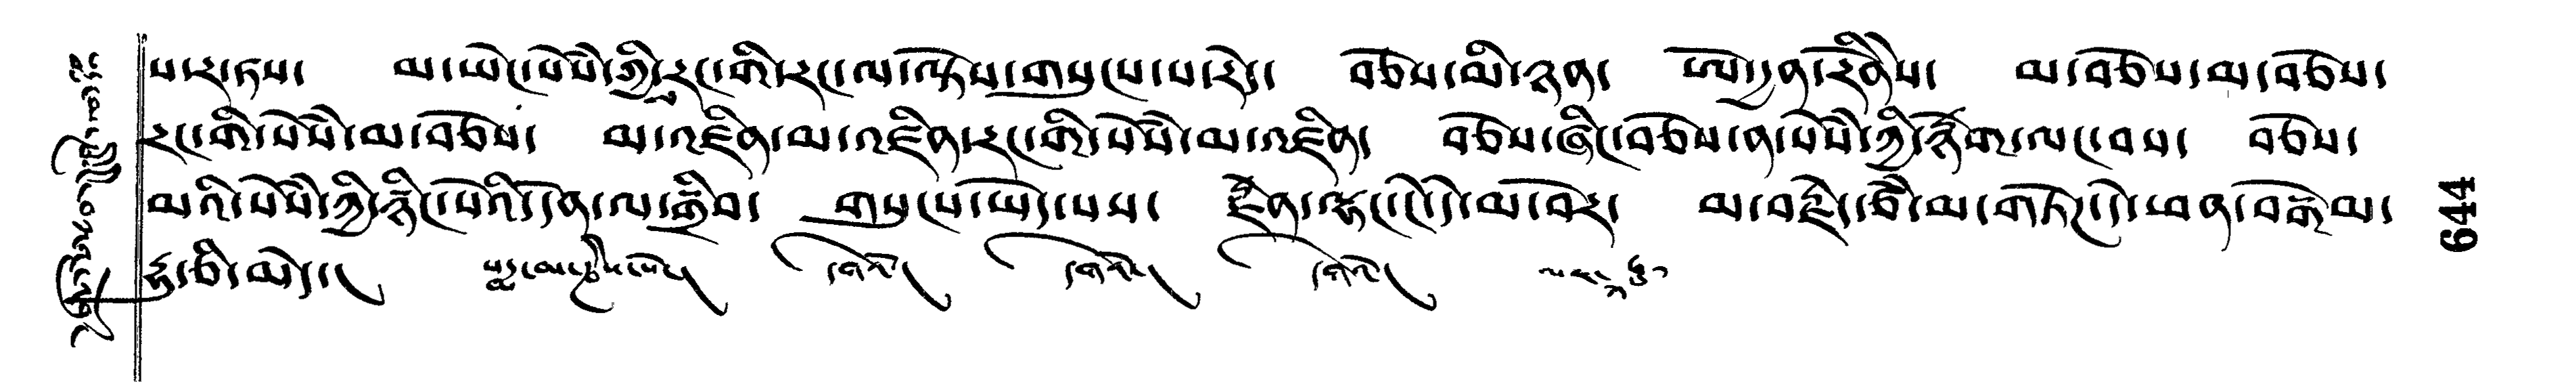ས་ར་ཧས། མ་ཡེངས་སེམས་ཀྱིས་རང་གི་རང་ལ་ལྟོས། གསུངས་པ་རེད། བཅོས་མི་ཉན། ཨོ་རྒྱན་རིན་པོ་ཆེས། མ་བཅོས་མ་བཅོས་
རང་གི་སེམས་མ་བཅོས། །མ་འཛིན་མ་འཛིན་རང་གི་སེམས་མ་འཇིན། །བཅོས་ཞིང་བཅོས་ན་སེམས་ཀྱི་རྙོག་ལང་བས། །བཅོས་
མའི་སེམས་ཀྱི་སྙིང་པོའི་དོན་ལ་སྒྲིབ། གསུངས་ཡོད་པས། རྗེན་ལྷང་ངེ་དེ་མ་བོར། མ་བརྗེད་ཙམ་མ་གཏོགས་དེ་ཕན་བསྒོམ་
རྒྱུ་ཅི་མེད། པདྨ་མ་ཎིས་སོ།། དགེའོ།།